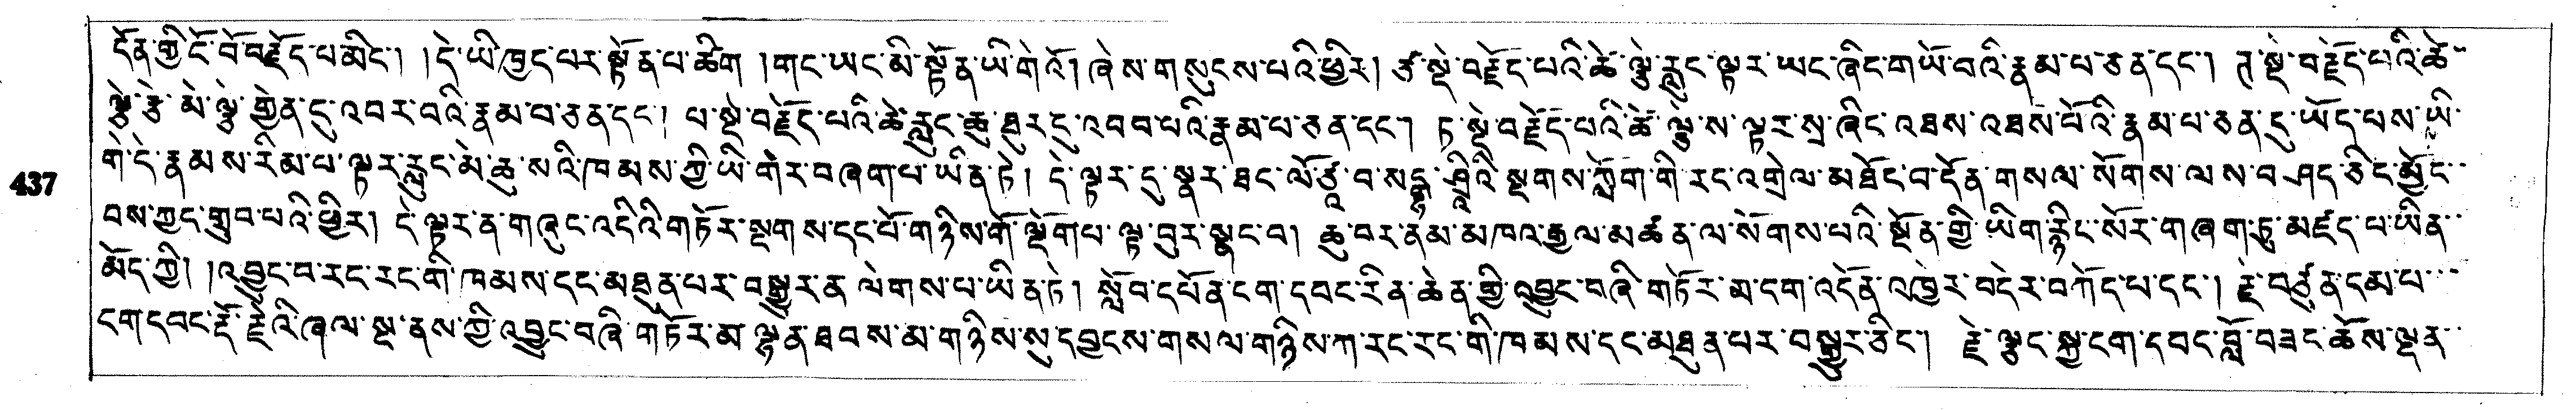དོན་གྱི་ངོ་བོ་བརྗོད་པ་མིང་། །དེ་ཡི་ཁྱད་པར་སྟོན་པ་ཚིག །གང་ཡང་མི་སྟོན་ཡི་གེའོ། ཞེས་གསུངས་པའི་ཕྱིར། ཙ་སྡེ་བརྗོད་པའི་ཚེ་ལྕེ་རླུང་ལྟར་ཡང་ཞིང་གཡོ་བའི་རྣམ་པ་ཅན་དང་། ཊ་སྡེ་བརྗོད་པའི་ཚེ་
ལྕེ་རྩེ་མེ་ལྕེ་གྱེན་དུ་འབར་བའི་རྣམ་པ་ཅན་དང་། པ་སྡེ་བརྗོད་པའི་ཚེ་རླུང་ཆུ་ཐུར་དུ་འབབ་པའི་རྣམ་པ་ཅན་དང་། ཏ་སྡེ་བརྗོད་པའི་ཚེ་ལྕེ་ས་ལྟར་སྲ་ཞིང་འཐས་འཐས་པོའི་རྣམ་པ་ཅན་དུ་ཡོད་པས་ཡི་
གེ་དེ་རྣམས་རིམ་པ་ལྟར་རླུང་མེ་ཆུ་སའི་ཁམས་ཀྱི་ཡི་གེར་བཞག་པ་ཡིན་ཏེ། དེ་ལྟར་དུ་སྣར་ཐང་ལོ་ཙཱ་བ་སངྒྷ་ཤྲཱིའི་སྔགས་ཀློག་གི་རང་འགྲེལ་མཐོང་བ་དོན་གསལ་སོགས་ལས་བཤད་ཅིང་མྱོང་
བས་ཀྱང་གྲུབ་པའི་ཕྱིར། དེ་ལྟར་ན་གཞུང་འདིའི་གཏོར་སྔགས་དང་པོ་གཉིས་གོ་ལྡོག་པ་ལྟ་བུར་སྣང་བ། ཆུ་བར་ནམ་མཁའ་རྒྱལ་མཚན་ལ་སོགས་པའི་སྔོན་གྱི་ཡིག་རྙིང་སོར་གཞག་ཏུ་མཛད་པ་ཡིན་
མོད་ཀྱི། །འབྱུང་བ་རང་རང་གི་ཁམས་དང་མཐུན་པར་བསྒྱུར་ན་ལེགས་པ་ཡིན་ཏེ། སློབ་དཔོན་ངག་དབང་རིན་ཆེན་གྱི་འབྱུང་བཞི་གཏོར་མ་དག་འདོན་འཁྱེར་བདེར་བཀོད་པ་དང་། རྗེ་བཙུན་དམ་པ་
ངག་དབང་རྡོ་རྗེའི་ཞལ་སྔ་ནས་ཀྱི་འབྱུང་བཞི་གཏོར་མ་ལྷན་ཐབས་མ་གཉིས་སུ་དབྱངས་གསལ་གཉིས་ཀ་རང་རང་གི་ཁམས་དང་མཐུན་པར་བསྒྱུར་ཅིང་། རྗེ་ལྕང་སྐྱ་ངག་དབང་བློ་བཟང་ཆོས་ལྡན་